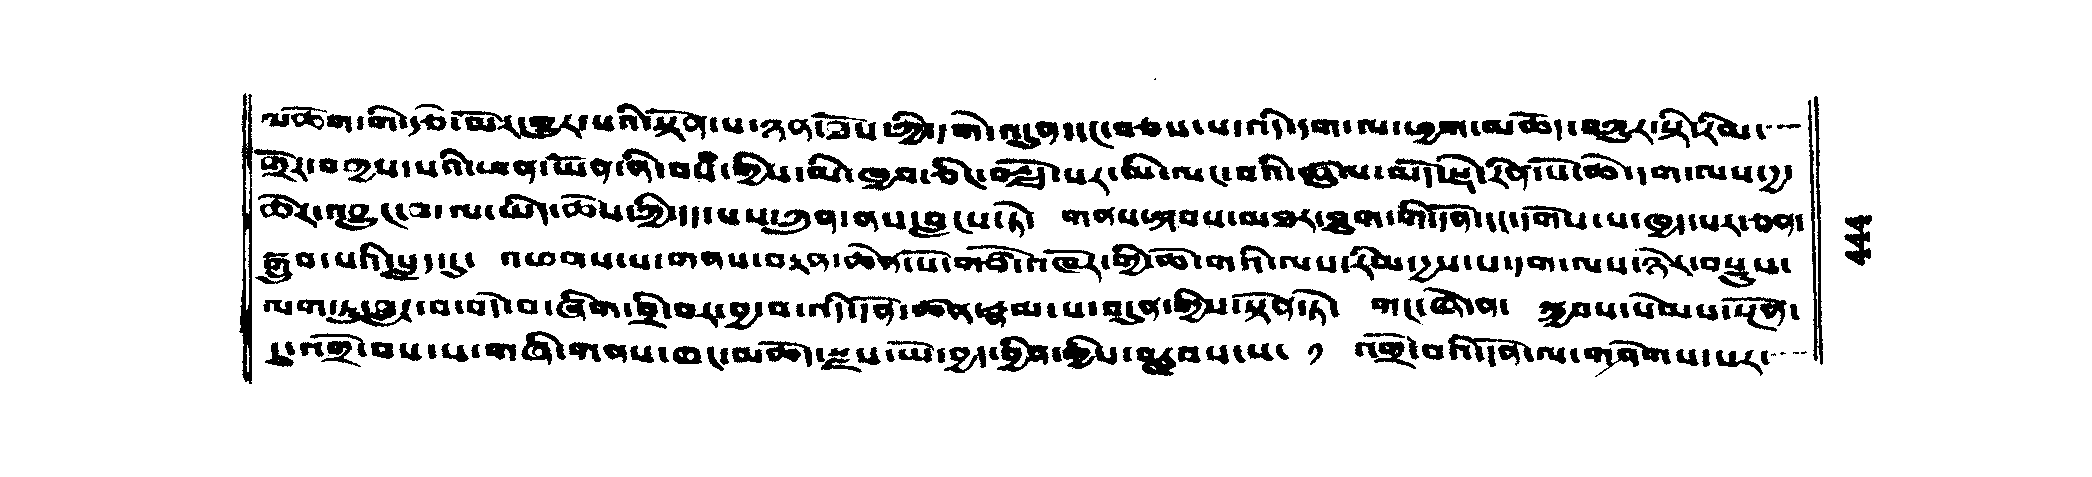མཆོག་གི་རྩེ་མོར་གྱུར་པའི་སྟོན་པ་ཉན་ཐོས་ཀྱི་དགེ་འདུན་དང་བཅས་པ་འདི་དག་ལ་ཕྱག་མཆོད་བཀུར་སྟི་རིམ་
གྲོར་བགྱིས་པའི་ཕན་ཡོན་ནི་བསམ་གྱིས་མི་ཁྱབ་ཅིང་བརྗོད་པར་མི་ལང་བའི་ཚུལ་མདོ་སྡེ་རིན་པོ་ཆེ་དག་ལས་རྒྱ་
ཆེར་འབྱུང་བ་ལ་ཡིད་ཆེས་ཀྱི་དད་པས་ཀུན་ནས་བླངས་ཏེ། གནས་སྐབས་མཐར་ཐུག་གི་དོན་དང་དགོས་པ་ཁྱད་པར་ཅན་
སྒྲུབ་པའི་སླད་དུ། འཕགས་པ་གནས་བརྟན་ཆེན་པོ་གཙོ་འཁོར་གྱི་ཆོ་གའི་ལས་རིམ་རྒྱས་པ་དག་ལས་ཉེར་བསྡུས་
ལག་ཏུ་བླང་བདེ་བ་ཞིག་འབྲི་བར་བྱ་བ་འདི་དོན་ཚན་རྣམ་པ་བདུན་གྱིས་སྟོན་ཏེ། གང་ཞེ་ན། སྐྱབས་སེམས་སྔོན་
དུ་འགྲོ་བས་ས་གཞི་གནས་ཁང་མཆོད་རྫས་ཡོ་བྱད་བྱིན་གྱིས་བརླབས་པ། འགྲོ་བའི་དོན་ལ་གཤེགས་པར་